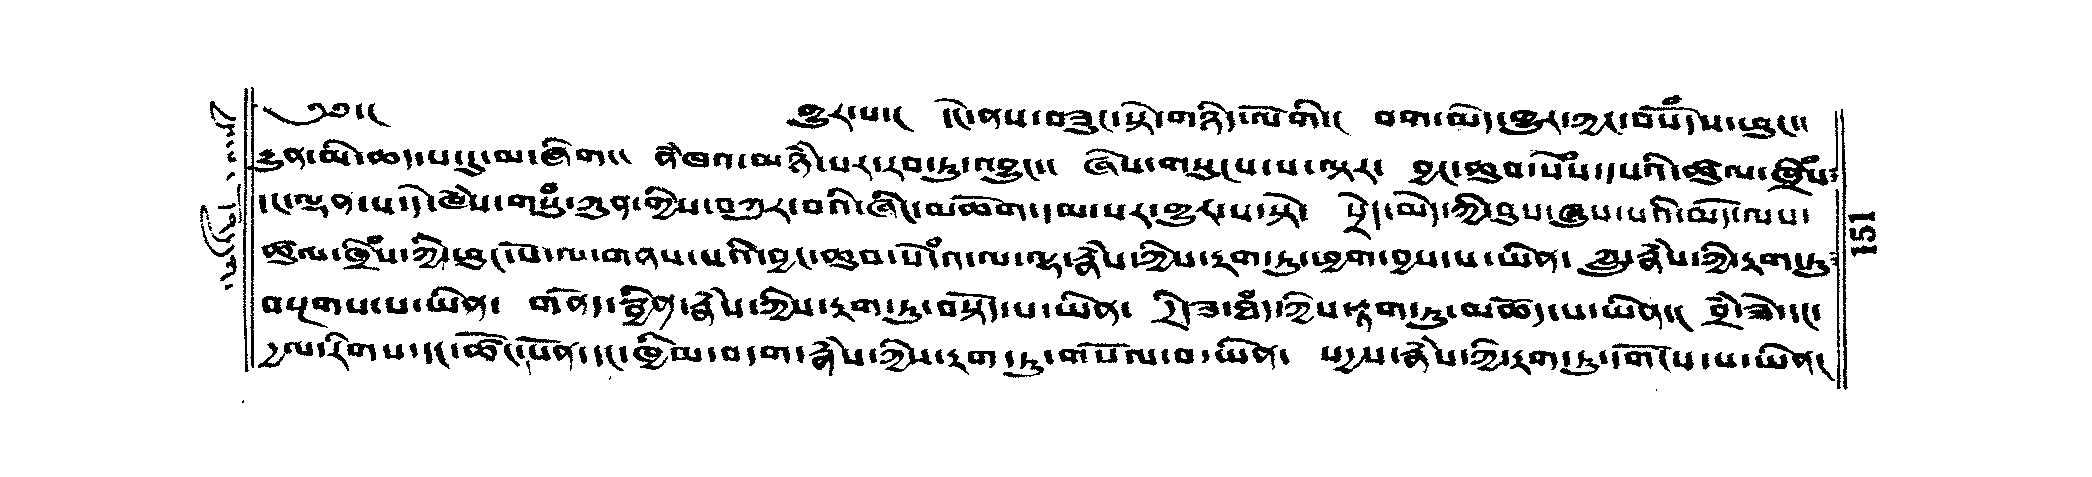གྱུར་པ། དེང་ནས་བཟུང་སྟེ་གཉིད་ལོག་གི བག་མེད་གྱུར་ཀྱང་བསོད་ནམས་ཕུང་། 
རྒྱུན་མི་ཆད་པ་དུ་མ་ཞིག ནམ་མཁའ་མཉམ་པར་རབ་ཏུ་འབྱུང་། ཞེས་གསུངས་པ་ལྟར། བྱང་ཆུབ་སེམས་དཔའི་ཚུལ་ཁྲིམས་
དང་ལྡན་པ་དེ་ཁམས་གསུམ་ཀུན་གྱི་བཀུར་བའི་ཞིང་མཆོག་དམ་པར་གྱུར་པ་སྟེ། སྲེད་མེད་ཀྱི་ནུས་ཞུས་པའི་མདོ་ལས། 
ཚུལ་ཁྲིམས་ཀྱི་ཕུང་པོ་ལ་གནས་པའི་བྱང་ཆུབ་སེམས་དཔའ་ལ་ལྷ་རྣམས་ཀྱིས་རྟག་ཏུ་ཕྱག་བྱས་པ་ཡིན། ཀླུ་རྣམས་ཀྱི་རྟག་ཏུ་
བསྔགས་པ་ཡིན། གནོད་སྦྱིན་རྣམས་ཀྱིས་རྟག་ཏུ་བསྟོད་པ་ཡིན། དྲི་ཟ་ཐམས་ཅད་ཀྱི་རྟག་ཏུ་མཆོད་པ་ཡིན། བྲམ་ཟེ་དང་
རྒྱལ་རིགས་དང་ཚོང་དཔོན་དང་ཁྱིམ་བདག་རྣམས་ཀྱིས་རྟག་ཏུ་གསོལ་བ་ཡིན། སངས་རྒྱས་རྣམས་ཀྱི་རྟག་ཏུ་དགོངས་པ་ཡིན།